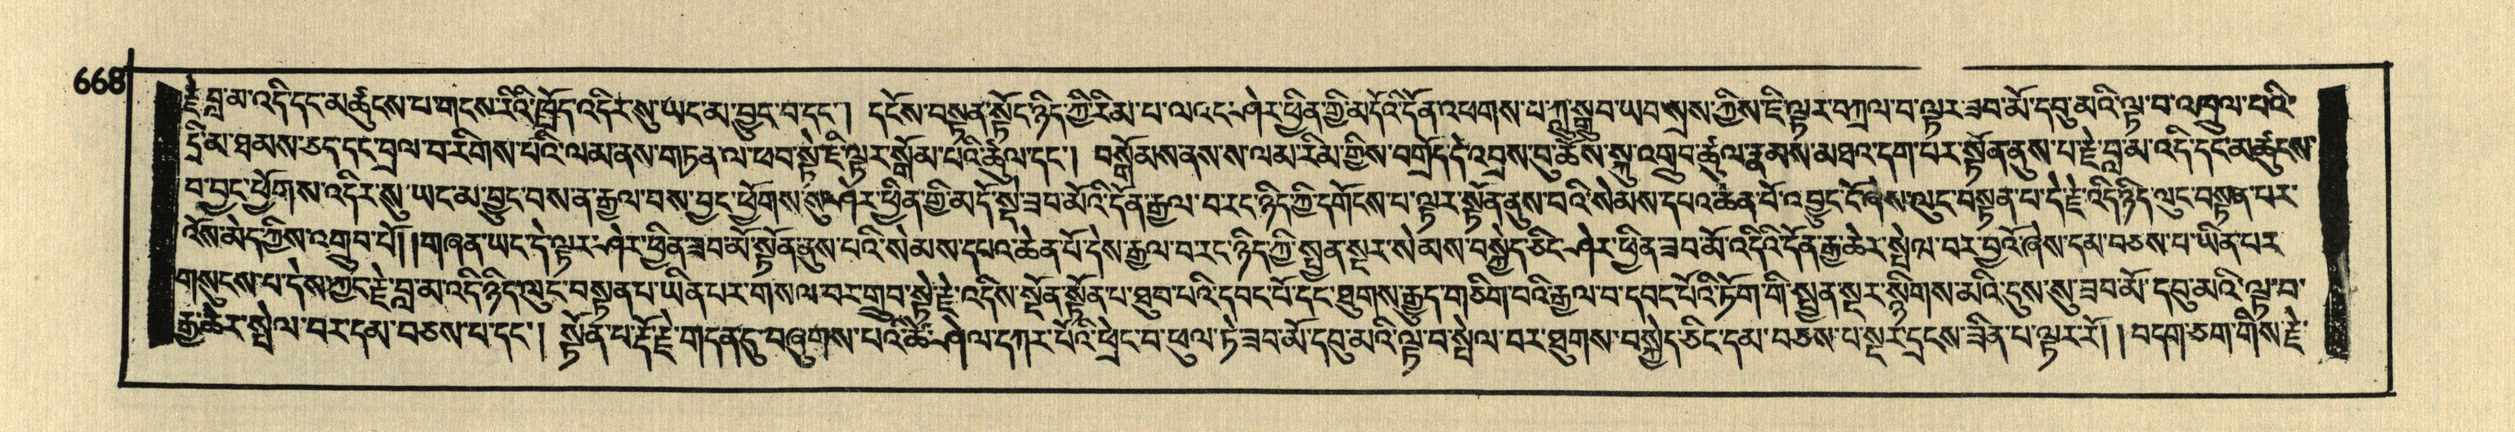རྗེ་བླ་མ་འདི་དང་མཚུངས་པ་གངས་རིའི་ཁྲོད་འདིར་སུ་ཡང་མ་བྱུང་བ་དང་། དངོས་བསྟན་སྟོང་ཉིད་ཀྱི་རིམ་པ་ལའང་ཤེར་ཕྱིན་གྱི་མདོའི་དོན་འཕགས་པ་ཀླུ་སྒྲུབ་ཡབ་སྲས་ཀྱིས་ཇི་ལྟར་བཀྲལ་བ་ལྟར་ཟབ་མོ་དབུ་མའི་ལྟ་བ་འཁྲུལ་པའི་
དྲི་མ་ཐམས་ཅད་དང་བྲལ་བ་རིགས་པའི་ལམ་ནས་གཏན་ལ་ཕབ་སྟེ་ཇི་ལྟར་སྒོམ་པའི་ཚུལ་དང་། བསྒོམས་ནས་ས་ལམ་རིམ་གྱིས་བགྲོད་དེ་འབྲས་བུ་ཆོས་སྐུ་འགྲུབ་ཚུལ་རྣམས་མཐའ་དག་པར་སྟོན་ནུས་པ་རྗེ་བླ་མ་འདི་དང་མཚུངས་
བ་བྱང་ཕྱོགས་འདིར་སུ་ཡང་མ་བྱུང་བས་ན་རྒྱལ་བས་བྱང་ཕྱོགས་སུ་ཤེར་ཕྱིན་གྱི་མདོ་སྡེ་ཟབ་མོའི་དོན་རྒྱལ་བ་རང་ཉིད་ཀྱི་དགོངས་པ་ལྟར་སྟོན་ནུས་བའི་སེམས་དཔའ་ཆེན་པོ་འབྱུང་ངོ་ཞེས་ལུང་བསྟན་པ་དེ་རྗེ་འདི་ཉིད་ལུང་བསྟན་པར་
འོས་མེད་ཀྱིས་འགྲུབ་པོ། །གཞན་ཡང་དེ་ལྟར་ཤེར་ཕྱིན་ཟབ་མོ་སྟོན་ནུས་པའི་སེམས་དཔའ་ཆེན་པོ་དེས་རྒྱལ་བ་རང་ཉིད་ཀྱི་སྤྱན་སྔར་སེམས་བསྐྱེད་ཅིང་ཤེར་ཕྱིན་ཟབ་མོ་འདིའི་དོན་རྒྱ་ཆེར་སྤེལ་བར་བྱའོ་ཞེས་དམ་བཅས་པ་ཡིན་པར་
གསུངས་པ་དེས་ཀྱང་རྗེ་བླ་མ་འདི་ཉིད་ལུང་བསྟན་པ་ཡིན་པར་གསལ་བར་གྲུབ་སྟེ་རྗེ་འདིས་སྔོན་སྟོན་པ་ཐུབ་པའི་དབང་པོ་དང་ཐུགས་རྒྱུད་གཅིག་བའི་རྒྱལ་བ་དབང་པོའི་ཏོག་གི་སྤྱན་སྔར་སྙིགས་མའི་དུས་སུ་ཟབ་མོ་དབུ་མའི་ལྟ་བ་
རྒྱ་ཆེར་སྤེལ་བར་དམ་བཅས་པ་དང་། སྟོན་པ་རྡོ་རྗེ་གདན་དུ་བཞུགས་པའི་ཚེ་ཤེལ་དཀར་པོའི་ཕྲེང་བ་ཕུལ་ཏེ་ཟབ་མོ་དབུ་མའི་ལྟ་བ་སྤེལ་བར་ཐུགས་བསྐྱེད་ཅིང་དམ་བཅས་པ་སྔར་དྲངས་ཟིན་པ་ལྟར་རོ། །བདག་ཅག་གིས་རྗེ་